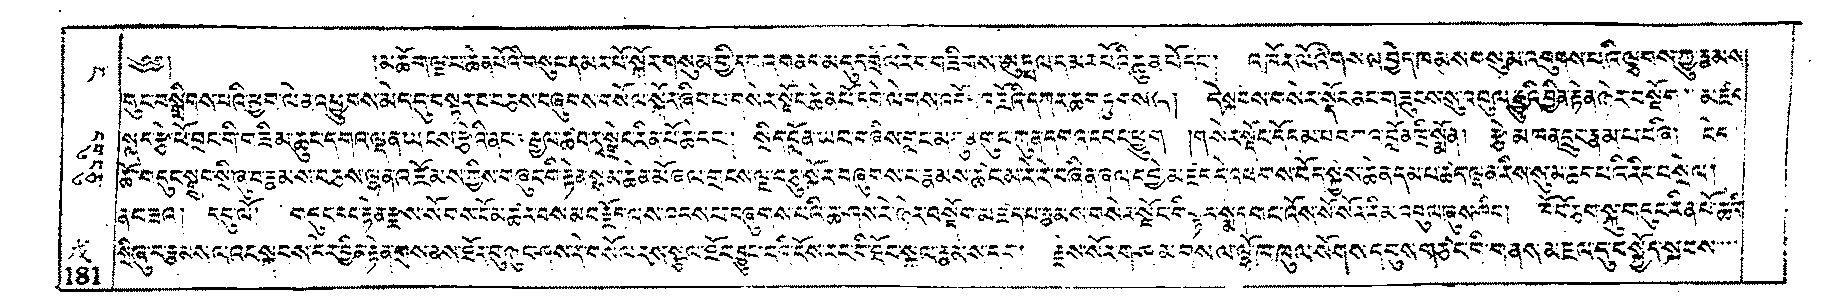༄༅། །མཆོག་ལྔ་པ་ཆེན་པོའི་གསུང་དམར་པོ་སྐོར་གསུམ་གྱི་དཀའ་གནད་མདུད་གྲོལ་རེག་གཟིགས་ཨུཏྤལ་དམར་པོའི་ཆུན་པོ་དང་། འཁོར་ལོའི་གསལ་བྱེད་ཁམས་གསུམ་འགུགས་པའི་ལྕགས་ཀྱུ་རྣམས་
གུང་བསྒྲིགས་པའི་ཕྱག་ལེན་འཕྱུགས་མེད་དུ་བསྟར་བ་བཅས་བཞུགས་གསོལ་སྐོར་ཞིབ་པ་གསེར་སྡོང་ཆེན་པོ་དགེ་ལེགས་འདོད་འཇོའི་དཀར་ཆག་ཏུ་གསལ། དེ་སྐབས་གསེར་སྡོང་ནང་གཟུངས་སུ་འབུལ་རྒྱུའི་བྱིན་རྟེན་ཉེར་བསྡོག་མཛད་
སླད་རྩེ་ཕོ་བྲང་གི་གཟིམ་ཆུང་དགའ་ལྡན་ཡངས་རྩེའི་ནང་༧རྒྱལ་ཚབ་རྭ་སྒྲེང་རིན་པོ་ཆེ་དང་། སྲིད་བློན་ཡབ་གཞིས་གླང་མདུན་གུང་ཀུན་དགའ་དབང་ཕྱུག །གསེར་སྡོང་དོ་དམ་པ་བཀའ་བློན་ཁྲི་སྨོན། རྩེ་མཁན་དྲུང་རྣམ་པ་བཞི། ངེད་
ཚོ་གདུང་སྒྲུབ་སྲི་ཞུ་བ་རྣམས་བཅས་ལྷན་འཛོམས་ཀྱིས་གཞུང་གི་རྟེན་སྒམ་ཆེན་མོ་ཞལ་གྲངས་ལྔ་བཅུ་སྐོར་བཞུགས་པ་རྣམས་ཚང་མ་རེ་རེ་བཞིན་ཞལ་དབྱེ་མཛད་དེ་འཕགས་བོད་སྐྱེས་ཆེན་དམ་པ་ཚད་ལྡན་རིས་སུ་མཆད་པའི་རིང་བསྲེལ།
ན་བཟའ། དབུ་ལོ། གདུང་དང་རྟེན་རྫས་སོགས་ངོ་མཚར་བསམ་བརྗོད་ལས་འདས་པ་བཞུགས་པའི་ཆ་ཤས་རེ་ཉེར་བསྡོག་མཛད་པ་རྣམས་གསེར་སྡོང་གི་སྟད་སྨད་གང་འོས་སོ་སོར་རིམ་འབུལ་ཞུས་ཤིང་། ཁོ་བོ་ཅག་སྐུ་གདུང་རིན་པོ་ཆེའི་
སྲི་ཞུ་བ་རྣམས་ལའང་སྐབས་དེར་བྱིན་རྟེན་གྲས་ནས་ཐོར་བུ་ཉུང་ཤས་རེ་གསོལ་རས་སྩལ་ཐོབ་བྱུང་བའི་ངོས་རང་གི་ཐོབ་སྐལ་རྣམས་དང་། རྗེས་སོར་གཤམ་གསལ་ལྷོ་ཁ་ཁུལ་སོགས་དབུས་གཙང་གི་གནས་མཇལ་དུ་བསྐྱོད་སྐབས་